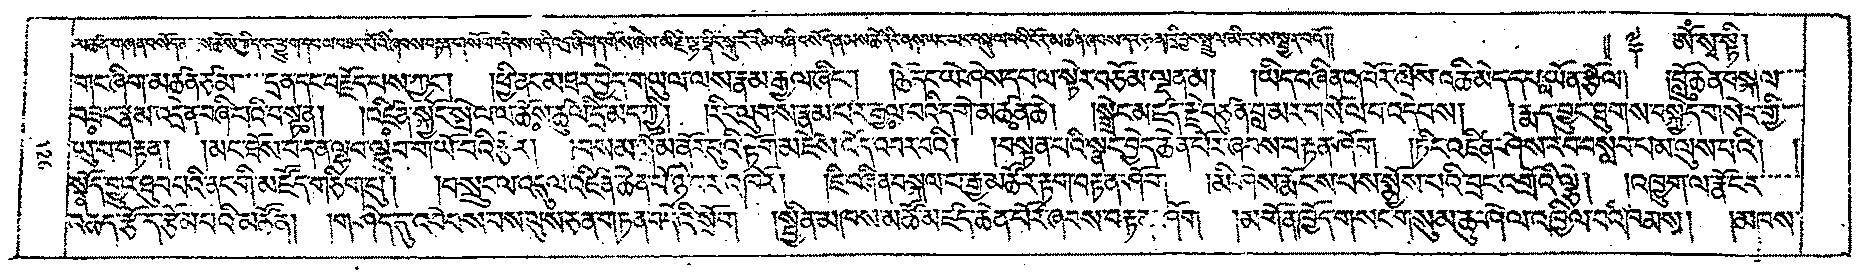མཚན་གཞན་བསོད་ནམས་ཆོས་ཀྱི་དབང་ཕྱུག་དཔལ་བཟང་པོའི་ཞབས་བརྟན་གསོལ་འདེབས་འདི་འདྲ་ཞིག་དགོས་ཞེས་མི་རྗེ་ལྷ་ལྡིང་སྐུ་ངོའི་རིམ་བཞི་བསོད་ནམས་ཚེ་རིང་ནས་ཡང་ཡང་བསྐུལ་བའི་ངོར་མཚན་ཞབས་དར་ཧན་ཁྲི་བྱང་སྤྲུལ་མིང་པས་སྦྱར་བའོ།། །། ༈ ཨོཾ་སྭ་སྟི།
གང་ཞིག་མཚན་ཙམ་དྲན་དང་བརྗོད་པས་ཀྱང་། །ཕྱི་ནང་མཐར་བྱེད་གཡུལ་ལས་རྣམ་རྒྱལ་ཞིང་། །ཚེ་དང་ཡེ་ཤེས་དཔལ་སྟེར་བཅོམ་ལྡན་མ། །ཡིད་བཞིན་འཁོར་ལོས་འཆི་མེད་དཔལ་ཡོན་རྩོལ། །བློ྾་ཆེན་བསྐལ་
བཟང྾་རྣམ་འདྲེན་བཞི་པའི་བསྟན྾། །འཛིན྾་སྐྱོང་སྤེལ་ལ་ཆོས྾་ཚུལ་དྲི་མེད་ཀྱི྾། །རིང་ལུགས་རྣམ་པར་རྒྱལ྾་བའི་དགེ་མཚན྾་ཆེ། །སྒྲེང་མཛད་རྗེ་བཙུན་བླ་མར་གསོལ་བ་འདེབས། །རྨད་བྱུང་ཐུགས་བསྐྱེད་གསེར་གྱི་
ཡུ་བ་བརྟན། །མང་ཐོས་བ་དན་ལྷབ་ལྷུབ་གཡོ་བའི་རྩེར། །བསམ་སྒོམ་ནོར་བུའི་རྟོག་མཛེས་འོད་འབར་བའི། །བསྟན་པའི་སྣང་བྱེད་ཆེན་པོར་ཞབས་བརྟན་ཤོག །ཏིང་འཛིན་ཤེས་རབ་བསླབ་པ་མ་ལུས་པའི། །
སྣོད་གྱུར་ཐུབ་པའི་ནང་གི་མཛོད་གཅིག་པུ། །བསྲུང་ལ་འདུལ་འཛིན་ཆེན་པོ་ཉེ་བར་འཁོར། །ཇི་བཞིན་བསྐལ་བ་རྒྱ་མཚོར་རྟག་བརྟན་ཤོག །མི་ཤེས་རྨོངས་པས་སྨྱོས་པའི་བྲང་འགྲོའི་ལྕེ། །འཁྱུག་ལ་རྣོ་ངར་
འཆད་རྩོད་རྩོམ་པའི་མཚོན། །གཤེད་དུ་འབེབས་པས་ལུས་ཅན་གཏན་བདེའི་སྲོག །སྦྱིན་མཁས་མཚོ་མཛད་ཆེན་པོར་ཞབས་བརྟན་ཤོག །མགོན་ཁྱོད་གསང་གསུམ་ཆུ་ཤེལ་འཁྱིལ་བའི་ཁམས། །མཁས་